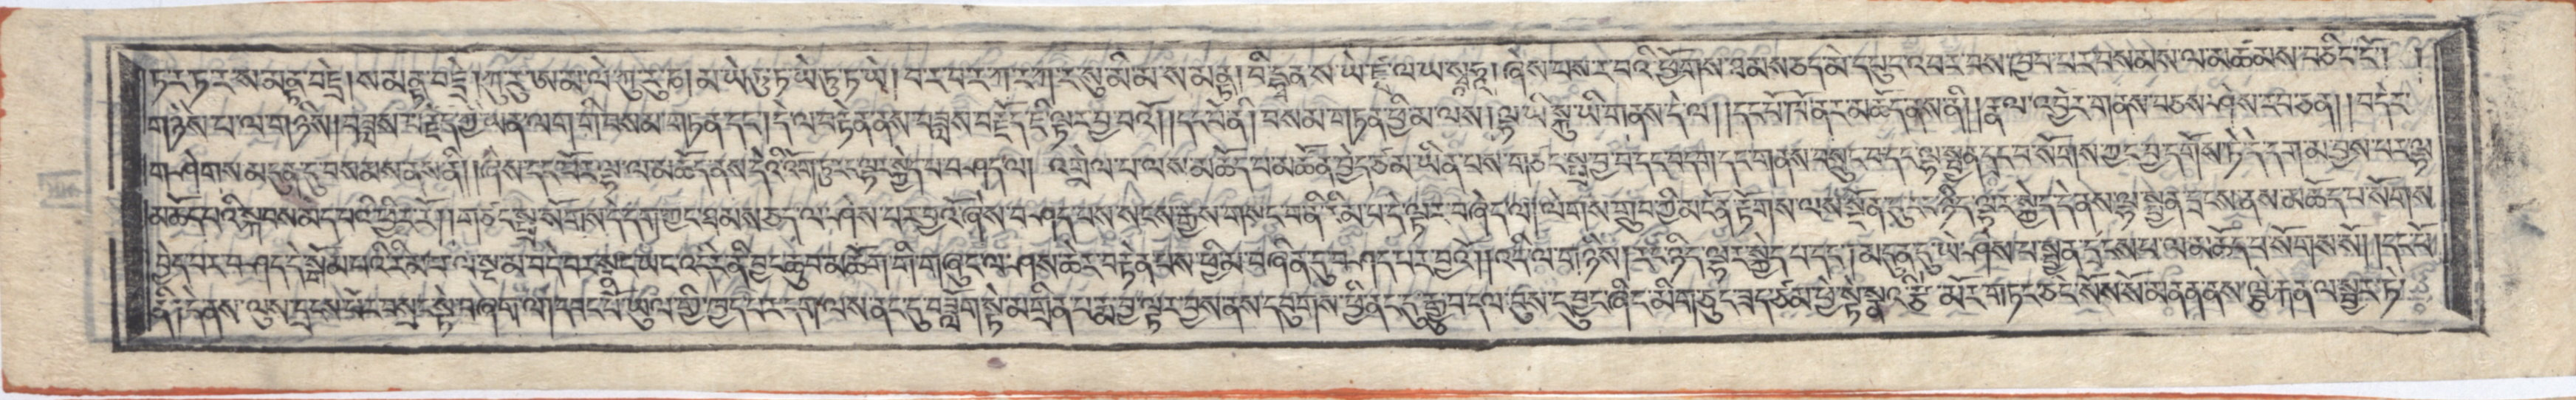ཏ་ར་ཏ་ར་ས་མནྟ་བྫེ། ས་མནྟ་བྫྲེ། ཀུ་རུ་ཨ་མ་ལེ་ཀུ་རུ་ཎ། མ་ཡེ་ཏུ་ཏ་ཡེ་ཏུ་ཏ་ཡེ། བ་ར་བ་ར་ཀ་ར་ཀ་ར་སུ་མི་མ་ས་མནྟ། བི་དྷྭན་ས་ཡེ་ཛྭ་ལ་ཡ་སྭཱ་ཧཱ། ཞེས་པས་ར་བའི་ཕྱོགས་ཐམས་ཅད་མེ་དཔུང་འབར་བས་ཁྱབ་པར་བསམས་ལ་མཚམས་བཅིང་ངོ། །
གཉིས་པ་ལ་གཉིས། བཟླས་བརྗོད་ཀྱི་ཡན་ལག་གི་བསམ་གཏན་དང་། དེ་ལ་བརྟེན་ནས་བཟླས་བརྗོད་ཇི་ལྟྲ་བྱ་བའོ། །དང་པོ་ནི། བསམ་གཏན་ཕྱི་མ་ལས། ལྷ་ཡི་སྐུ་ཡི་གནས་དེ་ལ། །དང་པོ་ཁོ་ནར་མཆོད་ནས་ནི། །རྣལ་འབྱོར་གནས་བཅས་ཤེས་རབ་ཅན། །བདེར་
གཤེགས་མདུན་དུ་བསམས་ནས་ནི། །ཞེས་དང་པོར་ལྷ་ལ་མཆོད་ནས་དེའི་འོག་ཏུ་རང་ལྷར་སྐྱེད་པ་བཤད་ལ། འགྲེལ་པ་ལས་མཆོད་པ་མཚོན་བྱེད་ཙམ་ཡིན་པས་གཙང་སྒྲ་བྱ་བ་དང་བདག་དང་གནས་བསྲུང་བ་དང་ལྷ་སྤྱན་དྲང་བ་སོགས་ཀྱང་བྱ་དགོས་ཏེ་དེ་དག་མ་བྱས་པར་ལྷ་
མཆོད་པའི་སྐབས་མེད་པའི་ཕྱིར་རོ། །གཙང་སྤྲ་སོགས་དེ་དག་ཀྱང་ཐམས་ཅད་ལ་ཤེས་པར་བྱའོ་ཞེས་བཤད་པས་སངས་རྒྱས་གསང་བ་ནི་རིམ་པ་དེ་ལྟར་བཞེད་ལ། ལེགས་གྲུབ་ཀྱི་མངོན་རྟོག་ལས་སྔོན་དུ་རང་ཉིད་ལྷར་སྐྱེད་དེ་ནས་ལྷ་སྤྱན་དྲངས་ནས་མཆོད་པ་སོགས་
བྱེད་པར་བཤད་དེ་སྒོམ་པའི་རིམ་པ་ལ་སྔ་མ་བདེ་བར་སྣང་ཡང་འདྲི་ནི་བྱང་ཆུབ་མཆོག་གི་གཞུང་ལ་ཤས་ཆེར་བརྟེན་པས་ཕྱི་མ་བཞིན་དུ་བཤད་པར་བྱའོ། །འདི་ལ་གཉིས། རང་ཉིད་ལྷར་སྐྱེད་པ་དང་། མདུན་དུ་བྱེ་ཤེས་པ་སྤྱན་དྲངས་པ་ལ་མཆད་པ་སོགས་སོ། །དང་པོ་
ནི། དེ་ནས་ལུས་དྲངས་པོར་བསྲང་སྟེ་བཞག་ལ། དབང་པོ་ཡུལ་གྱི་ཁྱད་པར་དག་ལས་ནང་དུ་བཟློག་སྟེ་མགྲིན་པ་རྨ་བྱ་ལྟར་བྱས་ནས་དབུགས་ཕྱི་ནང་དུ་རྒྱུ་བ་དལ་བུས་དབྱུང་ཞིང་མིག་ཅུང་ཟད་ཙམ་ཕྱེ་སྟེ་སྣའི་རྩེ་མོར་གཏང་ཅིང་སོས་སོ་མན་ན་ནས་ལྕེ་རྐན་ལ་སྤྱིར་ཏེ་